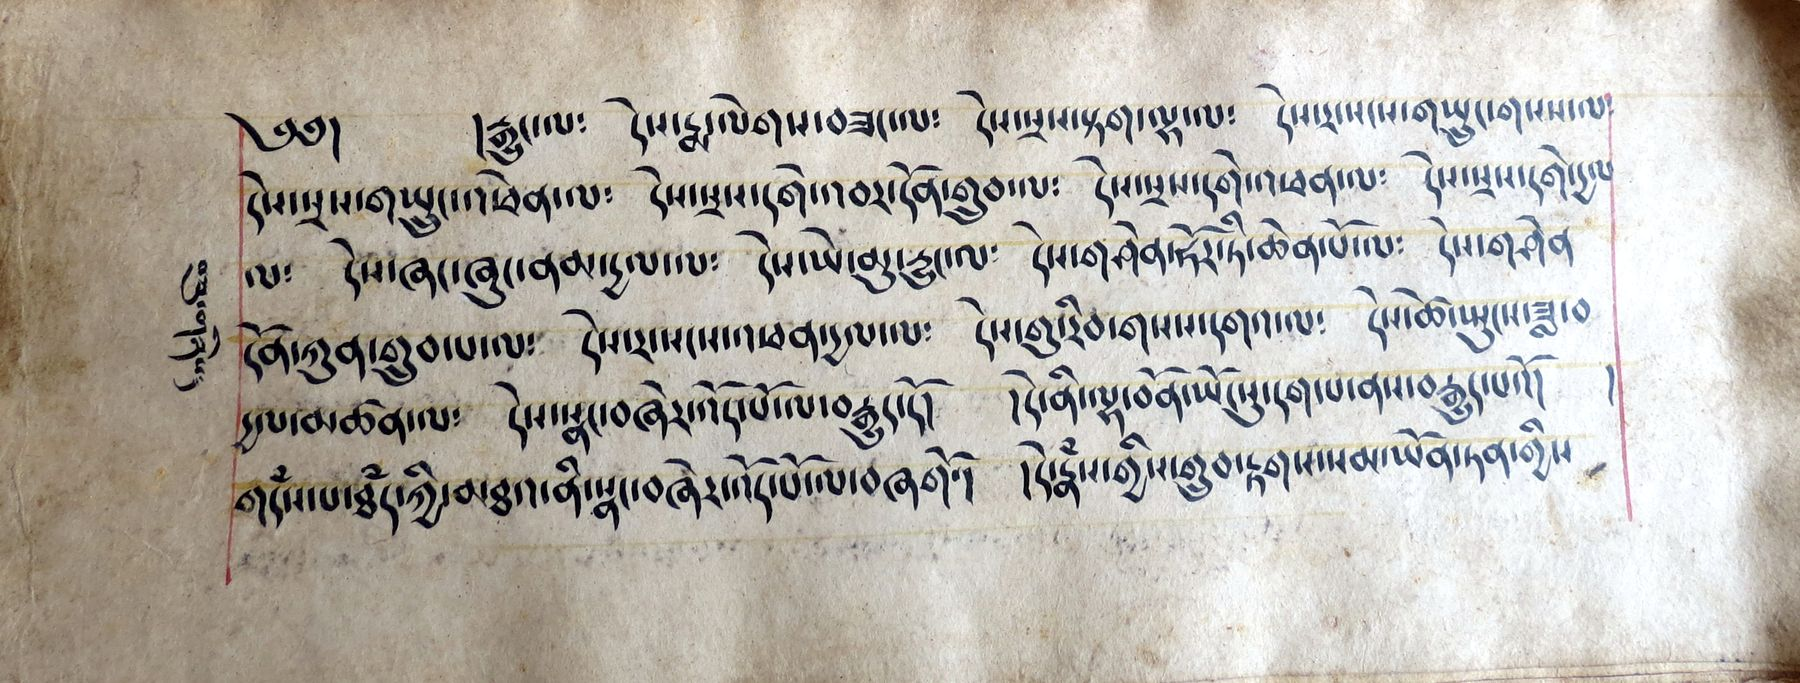རྒྱུང་ལ་བརྒྱུད། དེས་རྨ་ལེགས་བཟང་ལ་བརྒྱུད། དེས་སྲས་སྟག་ལྷ་ལ་བརྒྱུད། དེས་ར་སང་གཡུང་དྲུང་གསས་ལ། 
དེས་སྲས་གཡུང་དྲུང་འཕན་ལ་བརྒྱུད། དེས་སྲས་དགེ་འབར་དོན་གྲུབ་ལ་བརྒྱུད། དེས་སྲས་དགེ་འཕན་ལ་བརྒྱུད། དེས་སྲས་དགེ་རྒྱལ་
ལ། དེས་ཞང་ཞུང་ནམ་རྒྱལ་ལ་བརྒྱུད། དེས་ཡེ་མུ་རྒྱུང་ལ་བརྒྱུད། དེས་གཤེན་ཧོར་ཏི་ཆེན་པོ་ལ་བརྒྱུད། དེས་གཤེན་
དོན་ཀུན་གྲུབ་པ་ལ་བརྒྱུད། དེས་ར་སངས་འཕེན་རྒྱལ་ལ་བརྒྱུད། དེས་གུ་རིབ་གསས་དགའ་ལ་བརྒྱུད། དེས་ཚེ་སྤུངས་ཟླ་བ་
རྒྱལ་མཚན་ལ་བརྒྱུད། དེས་སྣང་བཞེར་འོད་པོ་ལ་བརྒྱུད་དོ། དེ་ནི་ལྷ་བོན་ཡོངས་སུ་དག་པ་ནས་བརྒྱུད་པའོ། 
གདམས་པ་ཐམས་ཅད་ཀྱི་མཐའ་ནི་སྣང་བཞེར་འོད་པོ་ལ་བཞག་གོ དེ་རྣམས་ཀྱིས་གྲུབ་རྟགས་སམ་ཡོན་ཏན་གྱིས་